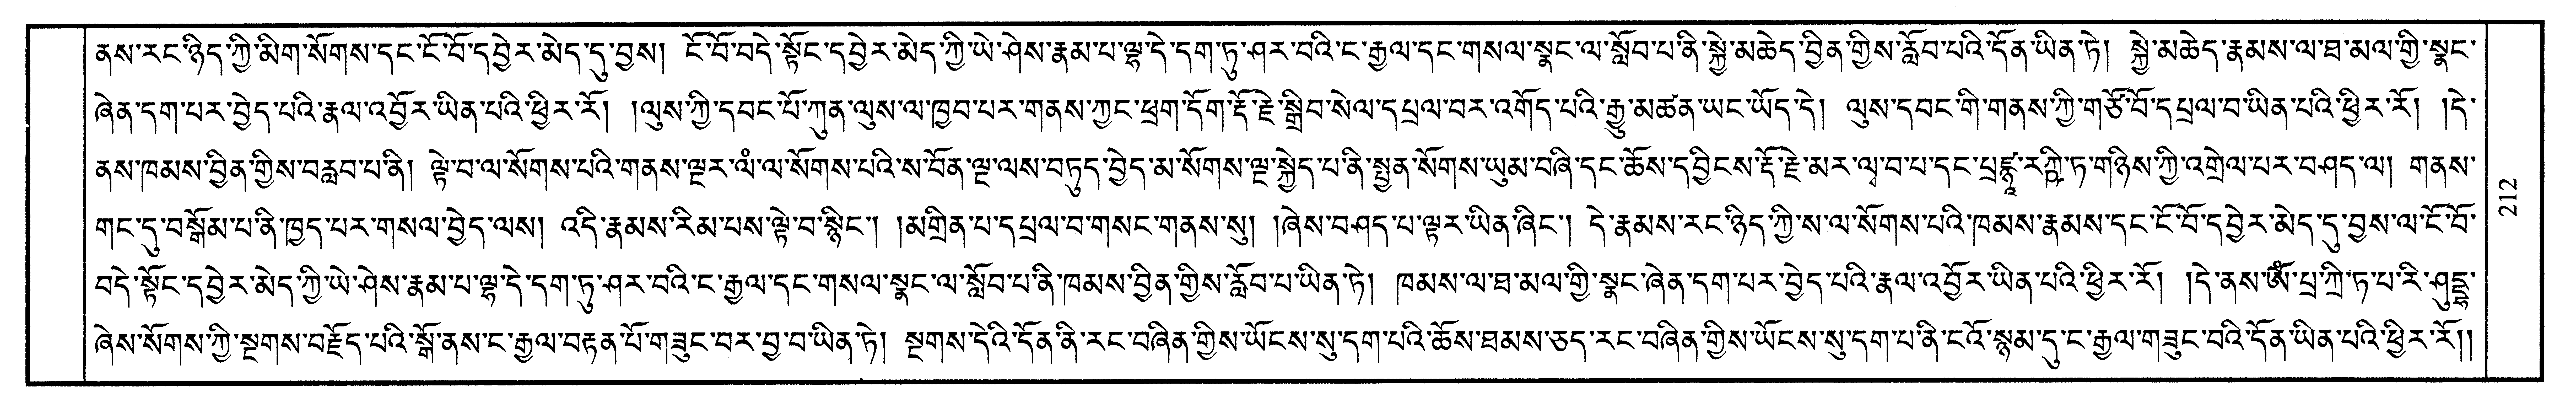ནས་རང་ཉིད་ཀྱི་མིག་སོགས་དང་ངོ་བོ་དབྱེར་མེད་དུ་བྱས། ངོ་བོ་བདེ་སྟོང་དབྱེར་མེད་ཀྱི་ཡེ་ཤེས་རྣམ་པ་ལྷ་དེ་དག་ཏུ་ཤར་བའི་ང་རྒྱལ་དང་གསལ་སྣང་ལ་སློབ་པ་ནི་སྐྱེ་མཆེད་བྱིན་གྱིས་རློབ་པའི་དོན་ཡིན་ཏེ། སྐྱེ་མཆེད་རྣམས་ལ་ཐ་མལ་གྱི་སྣང་
ཞེན་དག་པར་བྱེད་པའི་རྣལ་འབྱོར་ཡིན་པའི་ཕྱིར་རོ། །ལུས་ཀྱི་དབང་པོ་ཀུན་ལུས་ལ་ཁྱབ་པར་གནས་ཀྱང་ཕྲག་དོག་རྡོ་རྗེ་སྒྲིབ་སེལ་དཔྲལ་བར་འགོད་པའི་རྒྱུ་མཚན་ཡང་ཡོད་དེ། ལུས་དབང་གི་གནས་ཀྱི་གཙོ་བོ་དཔྲལ་བ་ཡིན་པའི་ཕྱིར་རོ། །དེ་
ནས་ཁམས་བྱིན་གྱིས་བརླབ་པ་ནི། ལྟེ་བ་ལ་སོགས་པའི་གནས་ལྔར་ལཾ་ལ་སོགས་པའི་ས་བོན་ལྔ་ལས་བཏུད་བྱེད་མ་སོགས་ལྔ་སྐྱེད་པ་ནི་སྤྱན་སོགས་ཡུམ་བཞི་དང་ཆོས་དབྱིངས་རྡོ་རྗེ་མར་ལྭ་བ་པ་དང་པྲཛྙཱ་རཀྵི་ཏ་གཉིས་ཀྱི་འགྲེལ་པར་བཤད་ལ། གནས་
གང་དུ་བསྒོམ་པ་ནི་ཁྱད་པར་གསལ་བྱེད་ལས། འདི་རྣམས་རིམ་པས་ལྟེ་བ་སྙིང་། །མགྲིན་པ་དཔྲལ་བ་གསང་གནས་སུ། །ཞེས་བཤད་པ་ལྟར་ཡིན་ཞིང་། དེ་རྣམས་རང་ཉིད་ཀྱི་ས་ལ་སོགས་པའི་ཁམས་རྣམས་དང་ངོ་བོ་དབྱེར་མེད་དུ་བྱས་ལ་ངོ་བོ་
བདེ་སྟོང་དབྱེར་མེད་ཀྱི་ཡེ་ཤེས་རྣམ་པ་ལྷ་དེ་དག་ཏུ་ཤར་བའི་ང་རྒྱལ་དང་གསལ་སྣང་ལ་སློབ་པ་ནི་ཁམས་བྱིན་གྱིས་རློབ་པ་ཡིན་ཏེ། ཁམས་ལ་ཐ་མལ་གྱི་སྣང་ཞེན་དག་པར་བྱེད་པའི་རྣལ་འབྱོར་ཡིན་པའི་ཕྱིར་རོ། །དེ་ནས་ཨོཾ་པྲ་ཀྲི་ཏ་པ་རི་ཤུདྡྷ་
ཞེས་སོགས་ཀྱི་སྔགས་བརྗོད་པའི་སྒོ་ནས་ང་རྒྱལ་བརྟན་པོ་གཟུང་བར་བྱ་བ་ཡིན་ཏེ། སྔགས་དེའི་དོན་ནི་རང་བཞིན་གྱིས་ཡོངས་སུ་དག་པའི་ཆོས་ཐམས་ཅད་རང་བཞིན་གྱིས་ཡོངས་སུ་དག་པ་ནི་ངའོ་སྙམ་དུ་ང་རྒྱལ་གཟུང་བའི་དོན་ཡིན་པའི་ཕྱིར་རོ།།